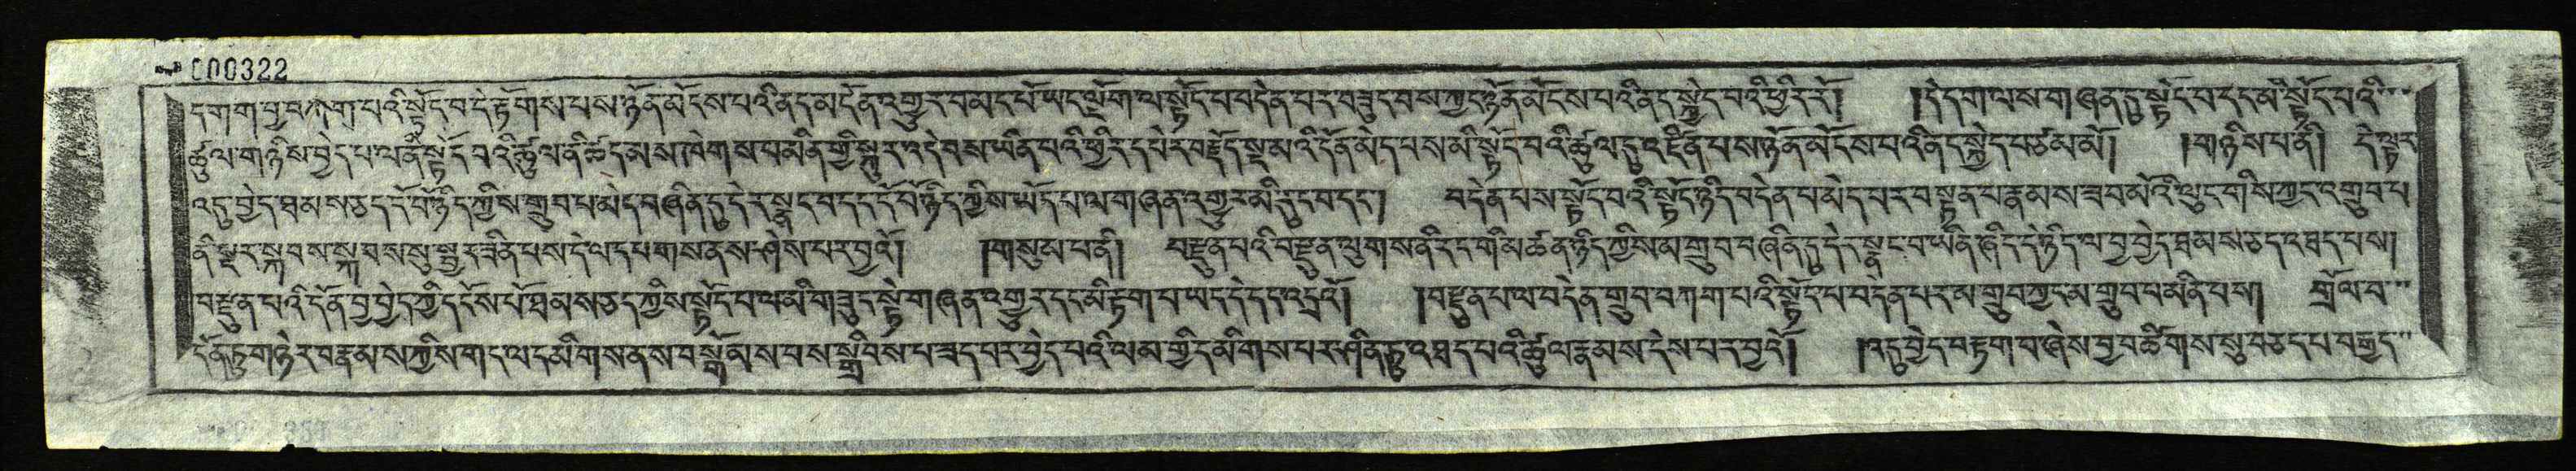དགག་བྱ་བཀག་པའི་སྟོང་བ་དེ་རྟོགས་པས་ཉོན་མོངས་པའི་ནད་མངོན་འགྱུར་བ་མང་པོ་ཡང་ལྡོག་ལ་སྟོང་པ་བདེན་པར་བཟུང་བས་ཀྱང་ཉོན་མོངས་པའི་ནད་སྐྱེད་པའི་ཕྱིར་རོ། །དེ་དག་ལས་གཞན་དུ་སྟོང་བ་དང་མི་སྟོང་པའི་
ཚུལ་གཉིས་བྱེད་པ་ལ་ནི་སྟོང་བའི་ཚུལ་ནི་ཚད་མས་ཁེགས་པ་མིན་གྱི་སྐུར་འདེབས་ཡིན་པའི་ཕྱིར་དཔེར་བརྗོད་སྔ་མའི་དོན་མེད་པས་མི་སྟོང་བའི་ཚུལ་དུ་འཛིན་པས་ཉོན་མོངས་པའི་ནད་སྐྱེད་པ་ཙམ་མོ། །གཉིས་པ་ནི། དེ་ལྟར་
འདུ་བྱེད་ཐམས་ཅད་ངོ་བོ་ཉིད་ཀྱིས་གྲུབ་པ་མེད་བཞིན་དུ་དེར་སྣང་བ་དང་ངོ་བོ་ཉིད་ཀྱིས་ཡོད་པ་ལ་གཞན་འགྱུར་མི་རུང་བ་དང་། བདེན་པས་སྟོང་པའི་སྟོང་ཉིད་བདེན་པ་མེད་པར་བསྟན་པ་རྣམས་ཟབ་མོའི་ལུང་གིས་ཀྱང་འགྲུབ་པ་
ནི་སྔར་སྐབས་སྐབས་སུ་སྦྱར་ཟིན་པས་དེ་ལ་དཔགས་ནས་ཤེས་པར་བྱའོ། །གསུམ་པ་ནི། བརྫུན་པའི་བརྫུན་ལུགས་ནི་རང་གི་མཚན་ཉིད་ཀྱིས་མ་གྲུབ་བཞིན་དུ་དེར་སྣང་བ་ཡིན་ཞིང་དེ་ཉིད་ལ་བྱ་བྱེད་ཐམས་ཅད་འཐད་པས།
བརྫུན་པའི་དོན་བྱ་བྱེད་ཀྱི་དངོས་པོ་ཐམས་ཅད་ཀྱིས་སྟོང་པ་ལ་མི་གཟུང་སྟེ་གཞན་འགྱུར་དང་མི་རྟག་པ་ཡང་དེ་དང་འདྲའོ། །བརྫུན་པ་ལ་བདེན་གྲུབ་བཀག་པའི་སྟོང་པ་བདེན་པར་མ་གྲུབ་ཀྱང་མ་གྲུབ་པ་མིན་པས། གྲོལ་བ་
དོན་ཏུ་གཉེར་བ་རྣམས་ཀྱིས་གང་ལ་དམིགས་ནས་བསྒོམས་བས་སྒྲིབས་པ་ཟད་པར་བྱེད་པའི་ལམ་གྱི་དམིགས་པར་ཤིན་ཏུ་འཐད་པའི་ཚུལ་རྣམས་ངེས་པར་བྱའོ། །འདུ་བྱེད་བརྟག་པ་ཞེས་བྱ་བ་ཚིགས་སུ་བཅད་པ་བརྒྱད་